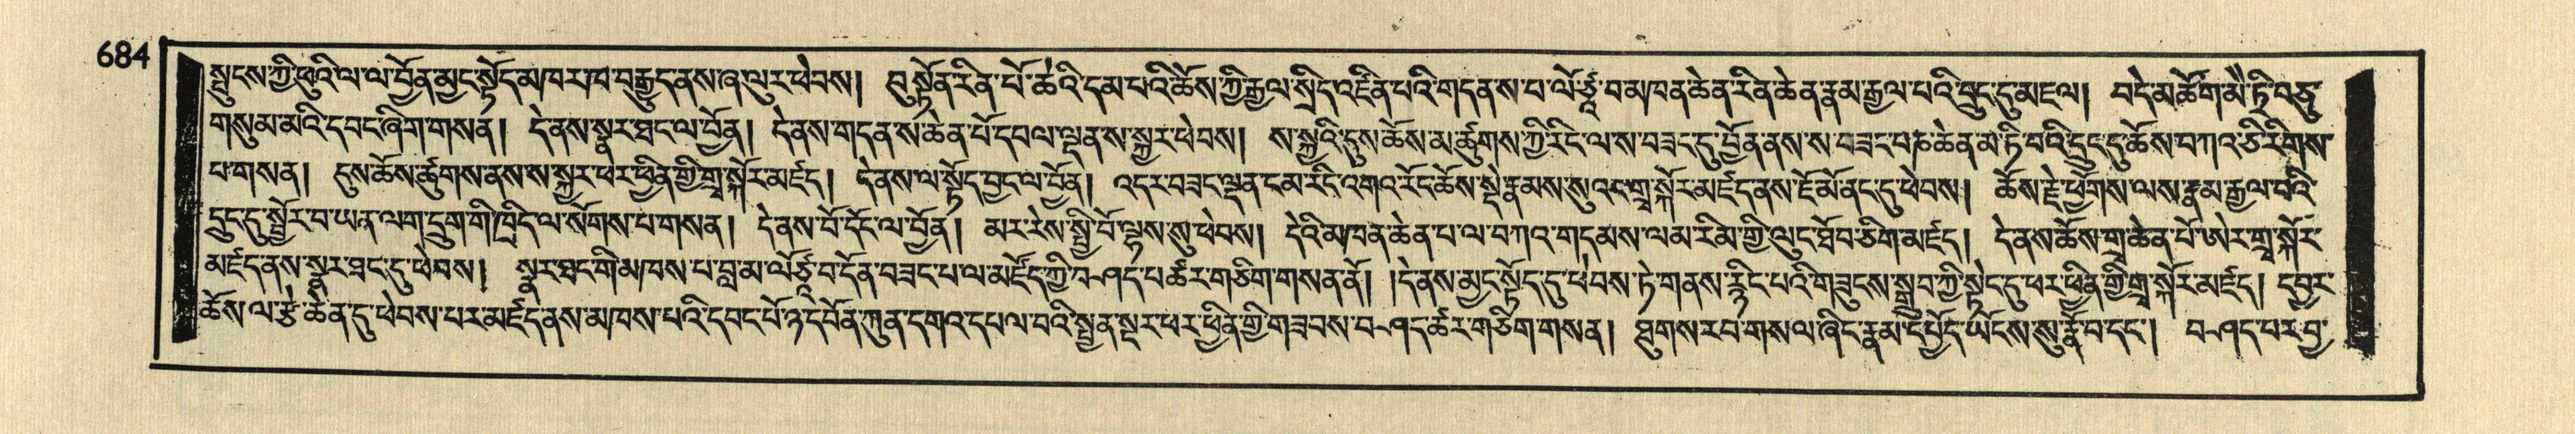སྤུངས་ཀྱི་ཕུའི་ལ་ལ་བྱོན་མྱང་སྟོད་མཁར་ཁ་བརྒྱུད་ནས་ཞ་ལུར་ཕེབས། བུ་སྟོན་རིན་པོ་ཆེའི་དམ་པའི་ཆོས་ཀྱི་རྒྱལ་སྲིད་འཛིན་པའི་གདན་ས་པ་ལོ་ཙཱ་བ་མཁན་ཆེན་རིན་ཆེན་རྣམ་རྒྱལ་པའི་དྲུང་དུ་མཇལ། བདེ་མཆོག་མཻ་ཏྲི་བཅུ་གསུམ་མའི་དབང་ཞིག་གསན། དེ་ནས་སྣར་ཐང་ལ་བྱོན། དེ་ནས་གདན་ས་ཆེན་པོ་དཔལ་ལྡན་ས་སྐྱར་ཕེབས། ས་སྐྱའི་དུས་ཆོས་མ་ཚུགས་ཀྱི་རིང་ལ་ས་བཟང་དུ་བྱོན་ནས་ས་བཟུང་པཎ་ཆེན་མ་ཏི་བའི་དྲུང་དུ་ཆོས་བཀའ་ཅི་རིགས་
པ་གསན། དུས་ཆོས་ཚུགས་ནས་ས་སྐྱར་ཕར་ཕྱིན་གྱི་གྲྭ་སྐོར་མཛད། དེ་ནས་ལ་སྟོད་བྱང་ལ་བྱོན། འདྲ་བཟང་ལྡན་ངམ་རིང་འགའ་རོང་ཆོས་སྡེ་རྣམས་སུའང་གྲྭ་སྐོར་མཛད་ནས་ཇོ་མོ་ནང་དུ་ཕེབས། ཆོས་རྗེ་ཕྱོགས་ལས་རྣམ་རྒྱལ་བའི་
དྲུང་དུ་སྦྱོར་བ་ཡན་ལག་དྲུག་གི་ཁྲིད་ལ་སོགས་པ་གསན། དེ་ནས་བོ་དོང་ལ་བྱོན། མར་རེས་སྤྱི་བོ་ལྷས་སུ་ཕེབས། དེའི་མཁན་ཆེན་པ་ལ་བཀའ་གདམས་ལམ་རིམ་གྱི་ལུང་ཐོབ་ཅིག་མཛད། དེ་ནས་ཆོས་གྲྭ་ཆེན་པོ་ཨེར་གྲྭ་སྐོར་
མཛད་ནས་སྣར་ཐང་དུ་ཕེབས། སྣར་ཐང་གི་མཁས་པ་བླ་མ་ལོ་ཙཱ་བ་དོན་བཟང་པ་ལ་མཛོད་ཀྱི་བཤད་པ་ཚར་གཅིག་གསན་ནོ། །དེ་ནས་མྱང་སྟོང་དུ་ཕེབས་ཏེ་གནས་རྙིང་པའི་གཟུངས་སྒྲུབ་ཀྱི་སྟེང་དུ་ཕར་ཕྱིན་གྱི་གྲྭ་སྐོར་མཛད། དབྱར་
ཆོས་ལ་རྩེ་ཆེན་དུ་ཕེབས་པར་མཛད་ནས་མཁས་པའི་དབང་པོ་ཉ་དཔོན་ཀུན་དགའ་དཔལ་བའི་སྤྱན་སྔར་ཕར་ཕྱིན་གྱི་གཟབས་བཤད་ཚར་གཅིག་གསན། ཐུགས་རབ་གསལ་ཞིང་རྣམ་དཔྱོད་ཡོངས་སུ་རྣོ་བ་དང་། བཤད་པར་བྱ་